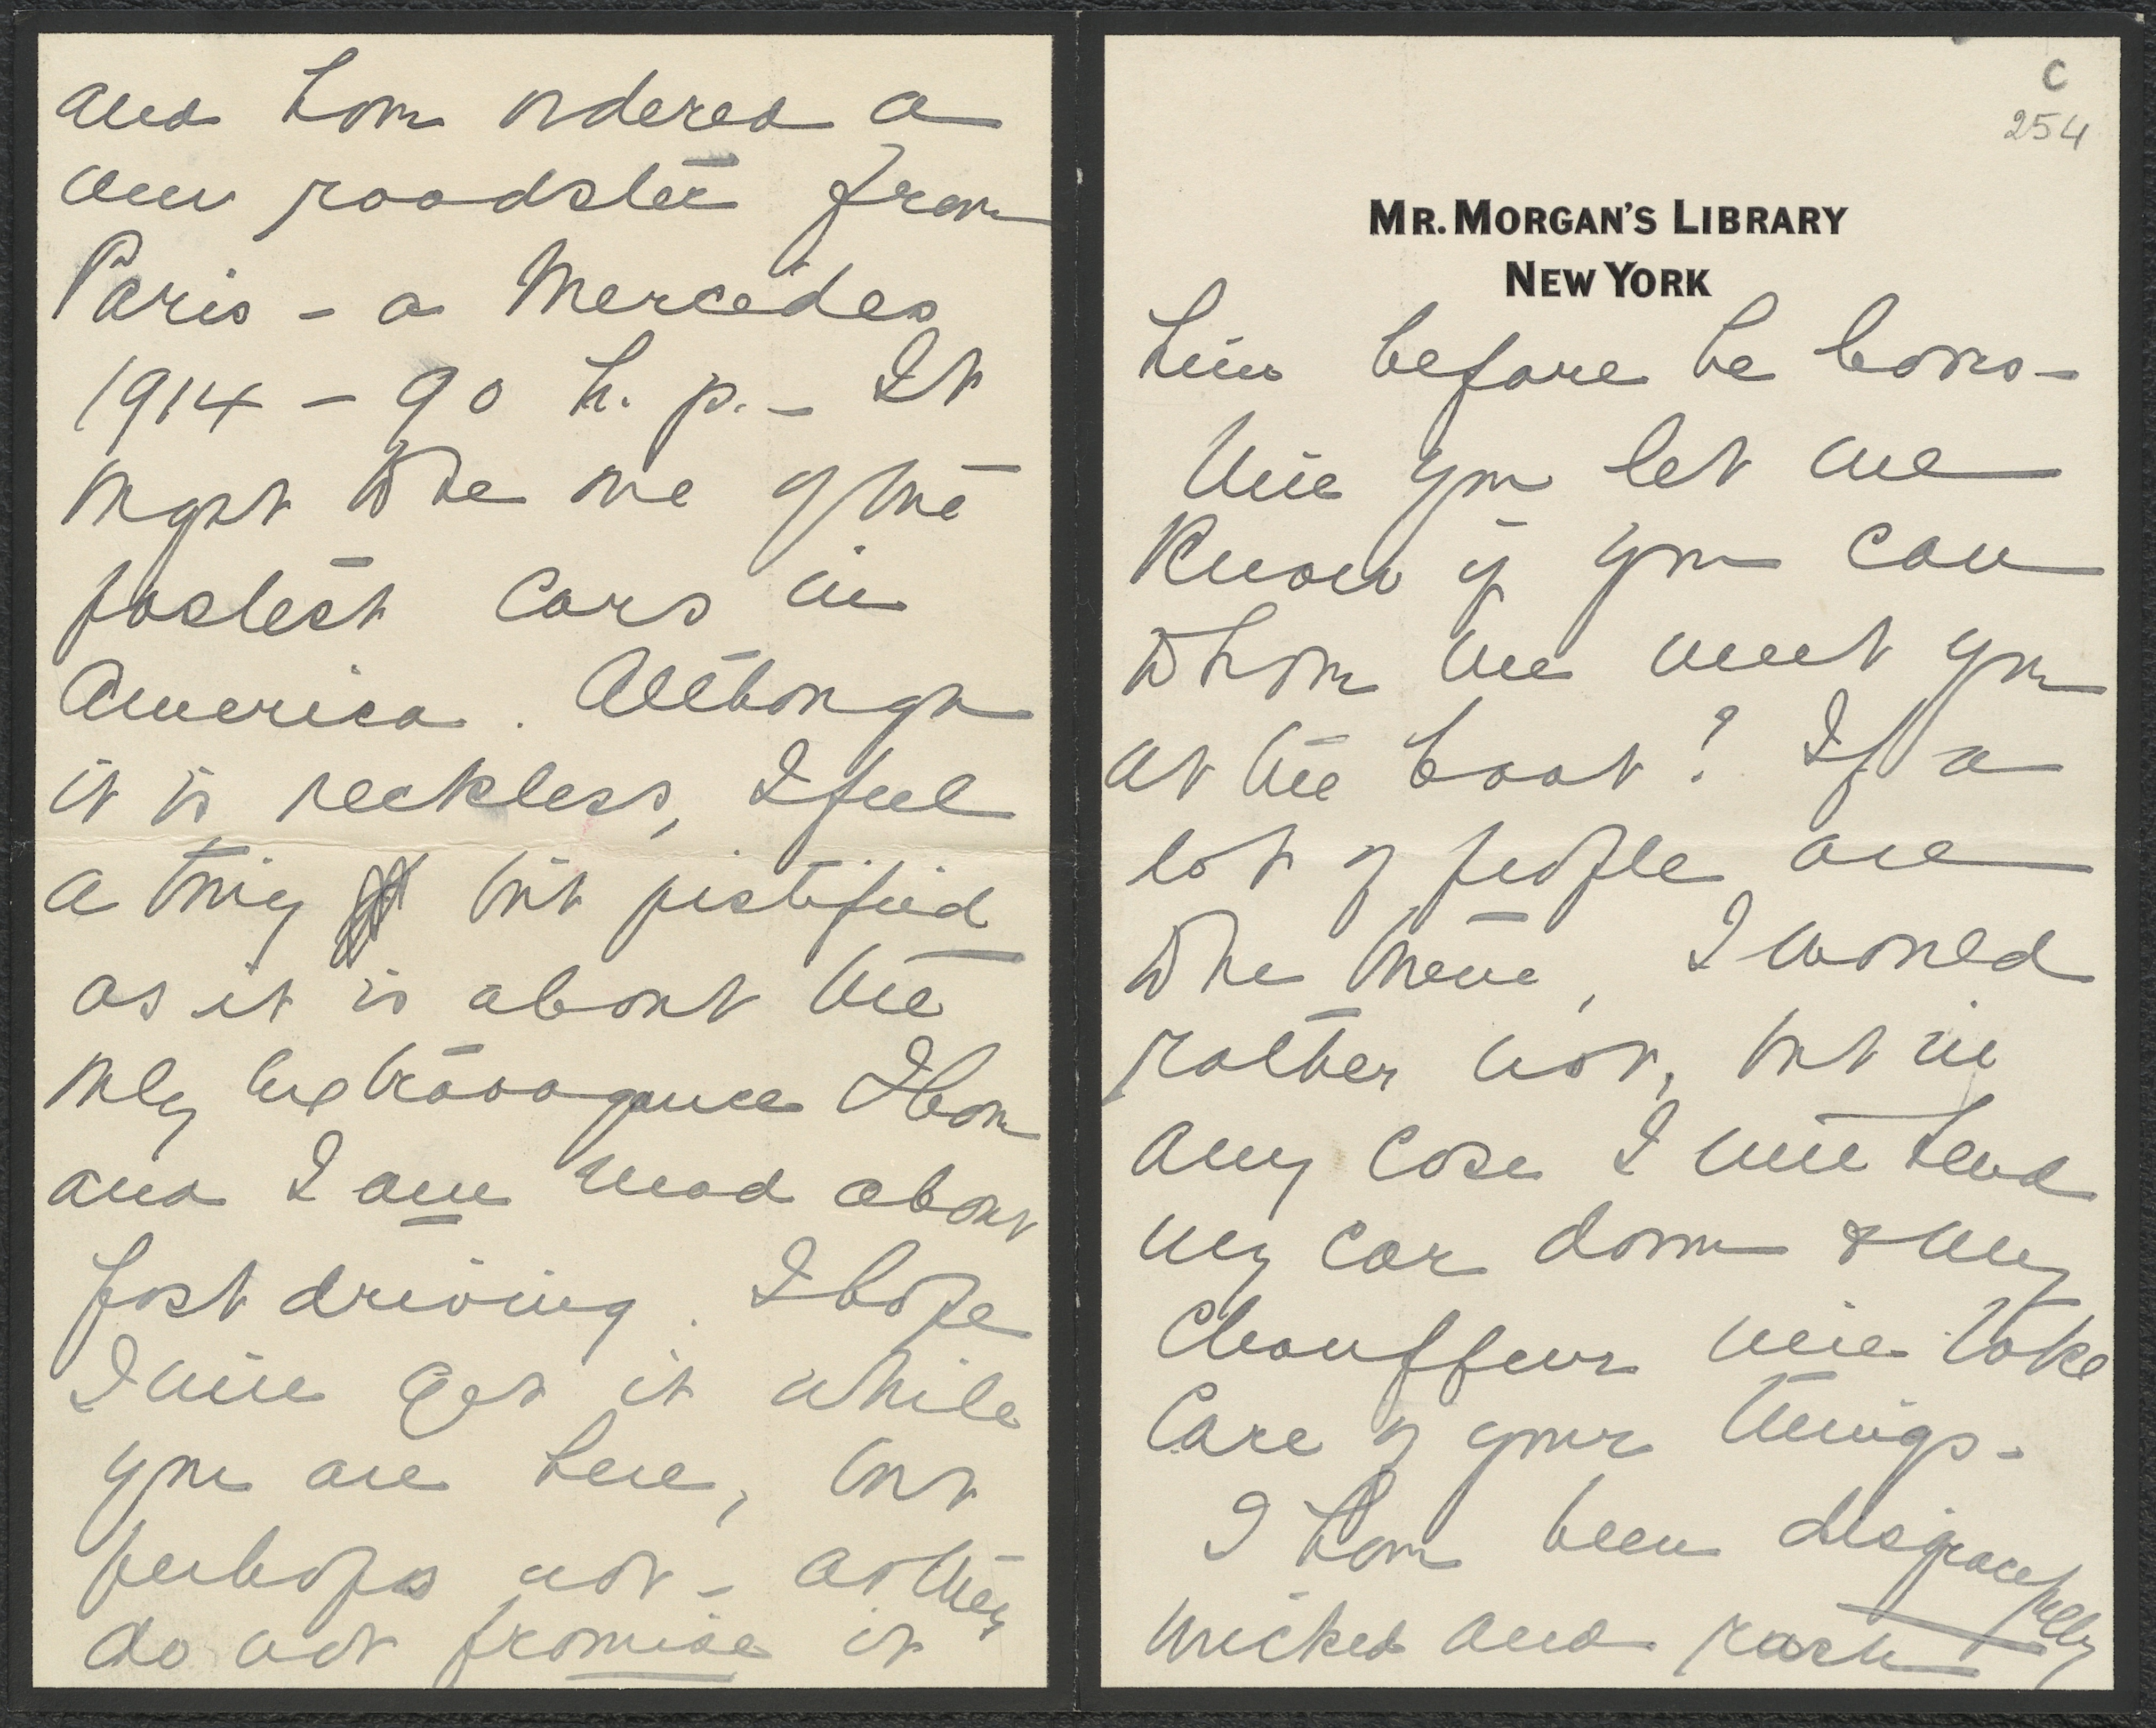him before he leaves –
Will you let me know if you care to have me meet you at the boat? If a lot of people are to be there, I would rather not, but in any case I will send my car down & my chauffeur will take care of your things –
I have been disgracefully wicked and rash
and have ordered a new roadster from Paris – a Mercedes 1914 – 90 h. p. – It ought to be one of the fastest cars in America. Although it is reckless, I feel a tiny [illegible deletion] bit justified as it is about the only extravagance I have and I am mad about fast driving. I hope I will get it while you are here, but perhaps not – as they do not promise it